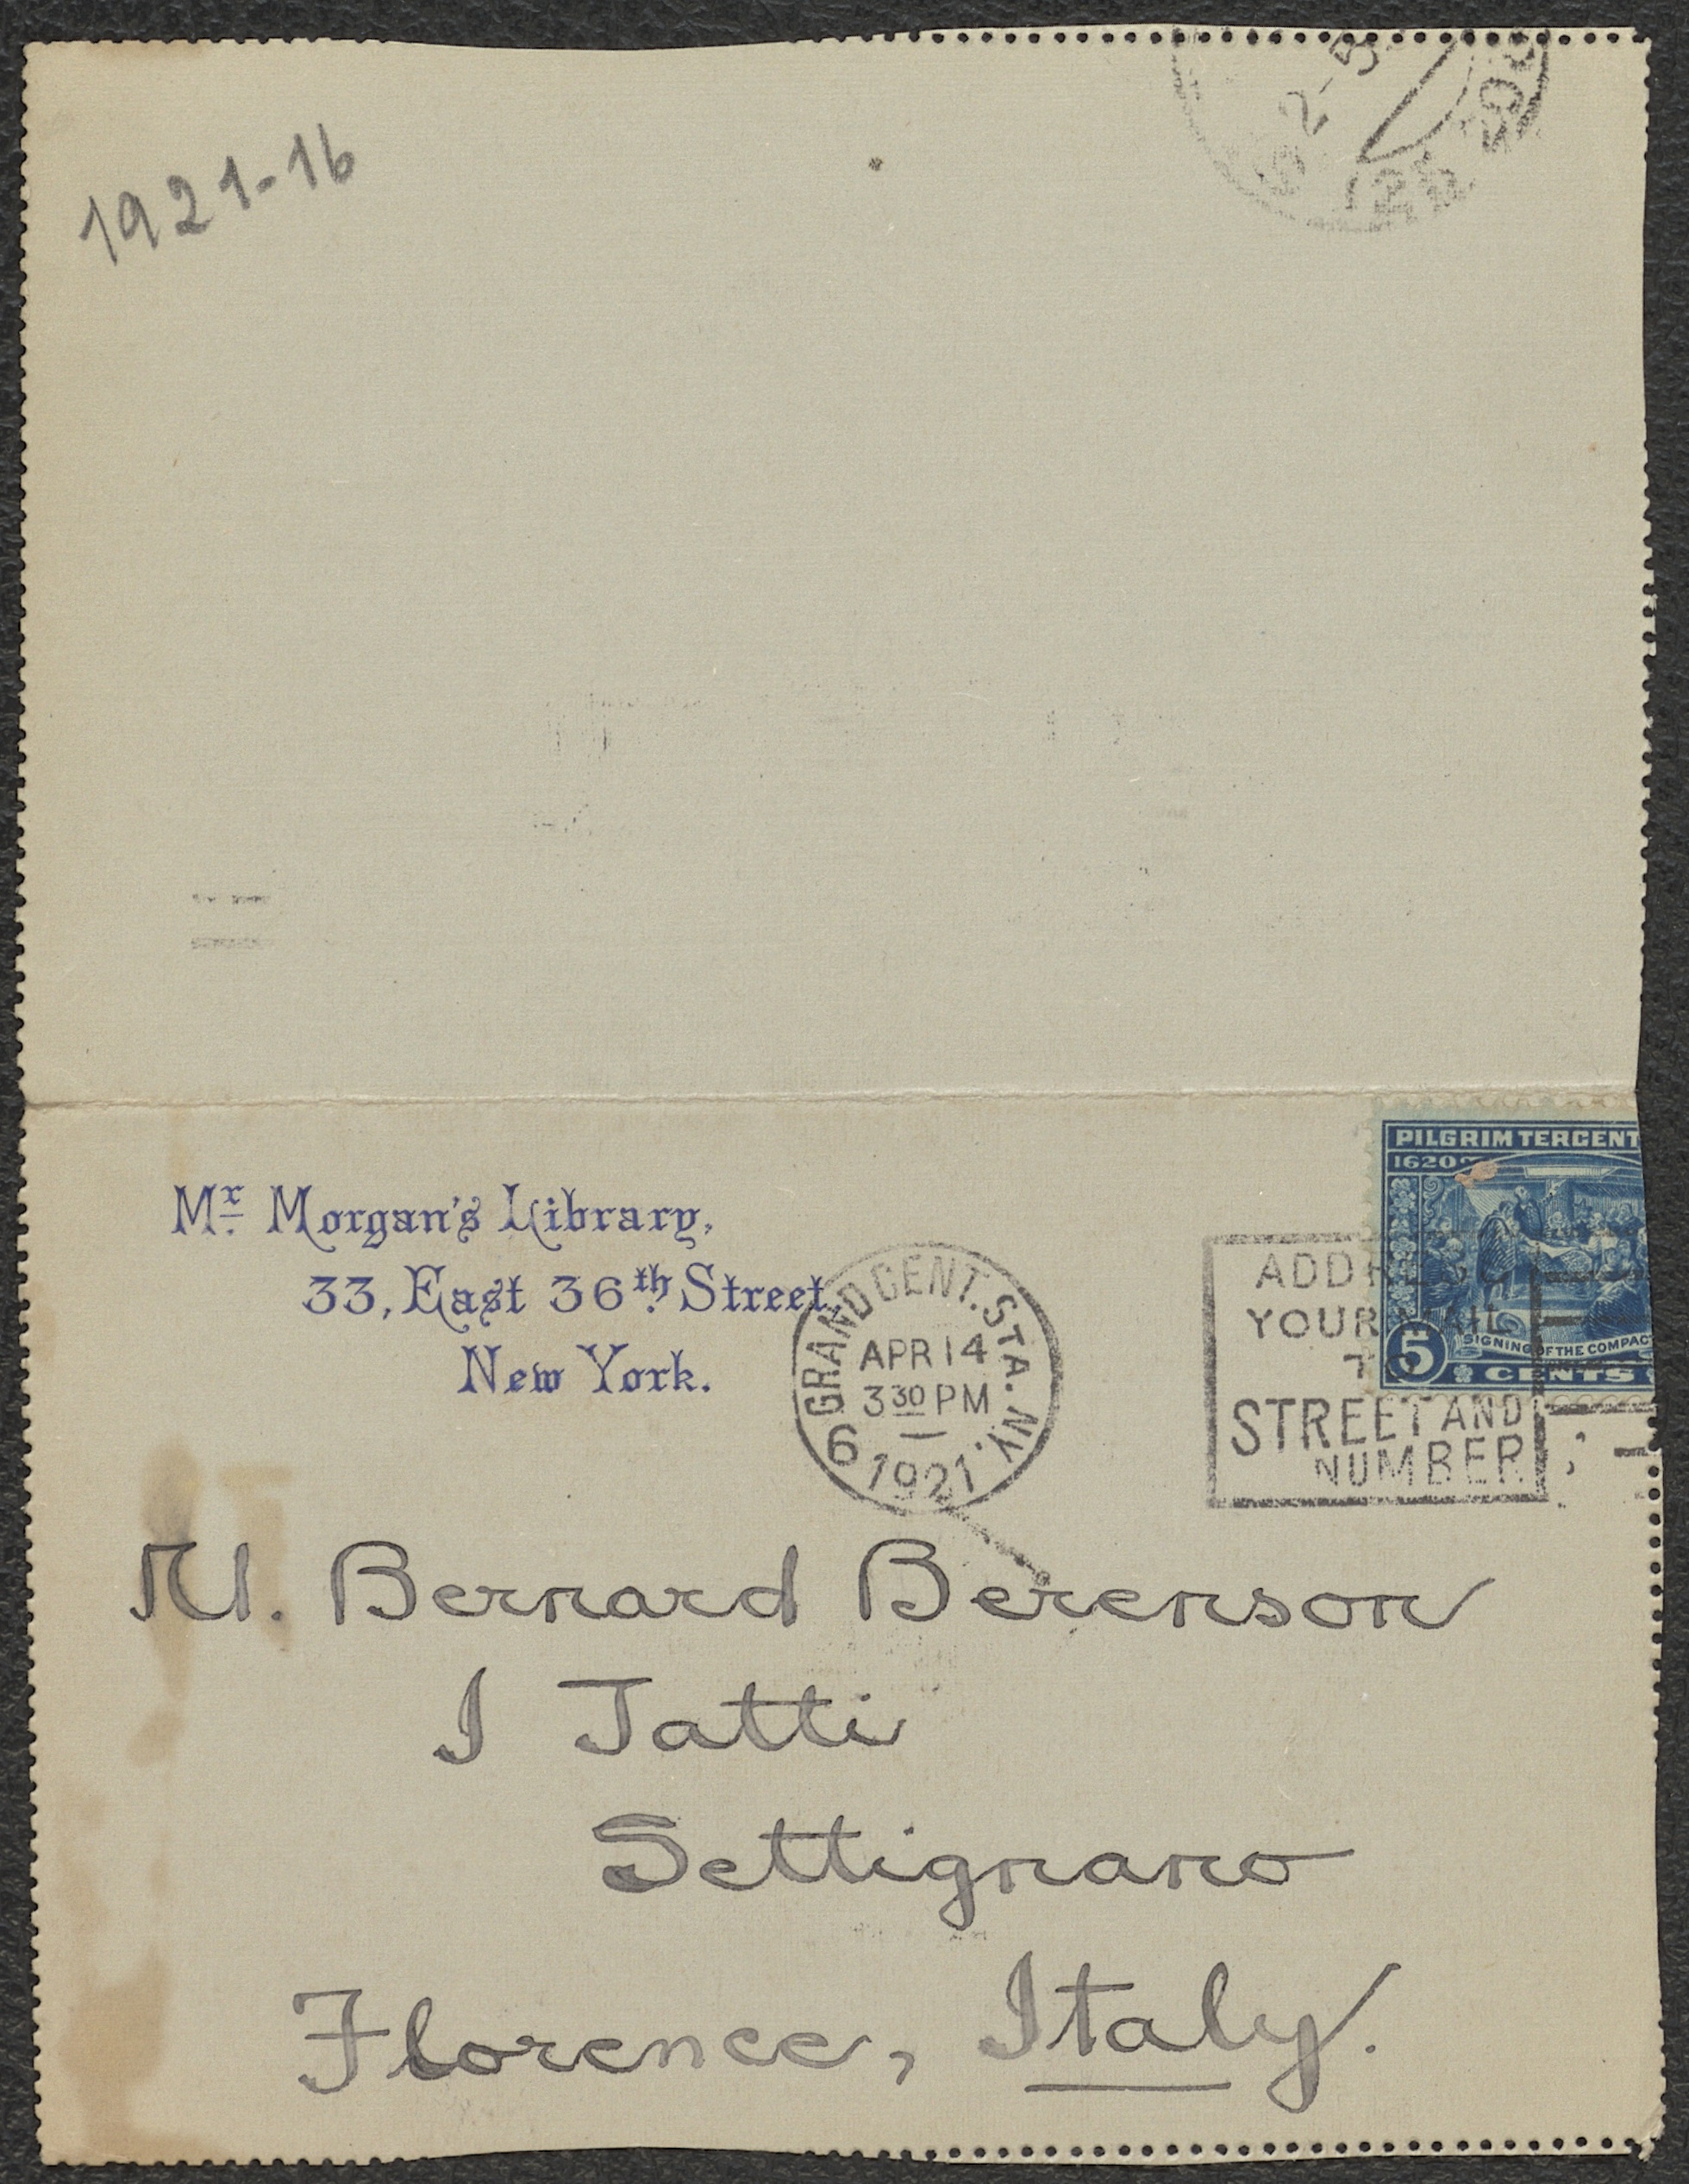M. Bernard Berenson
I Tatti
Settignano
Florence, Italy.